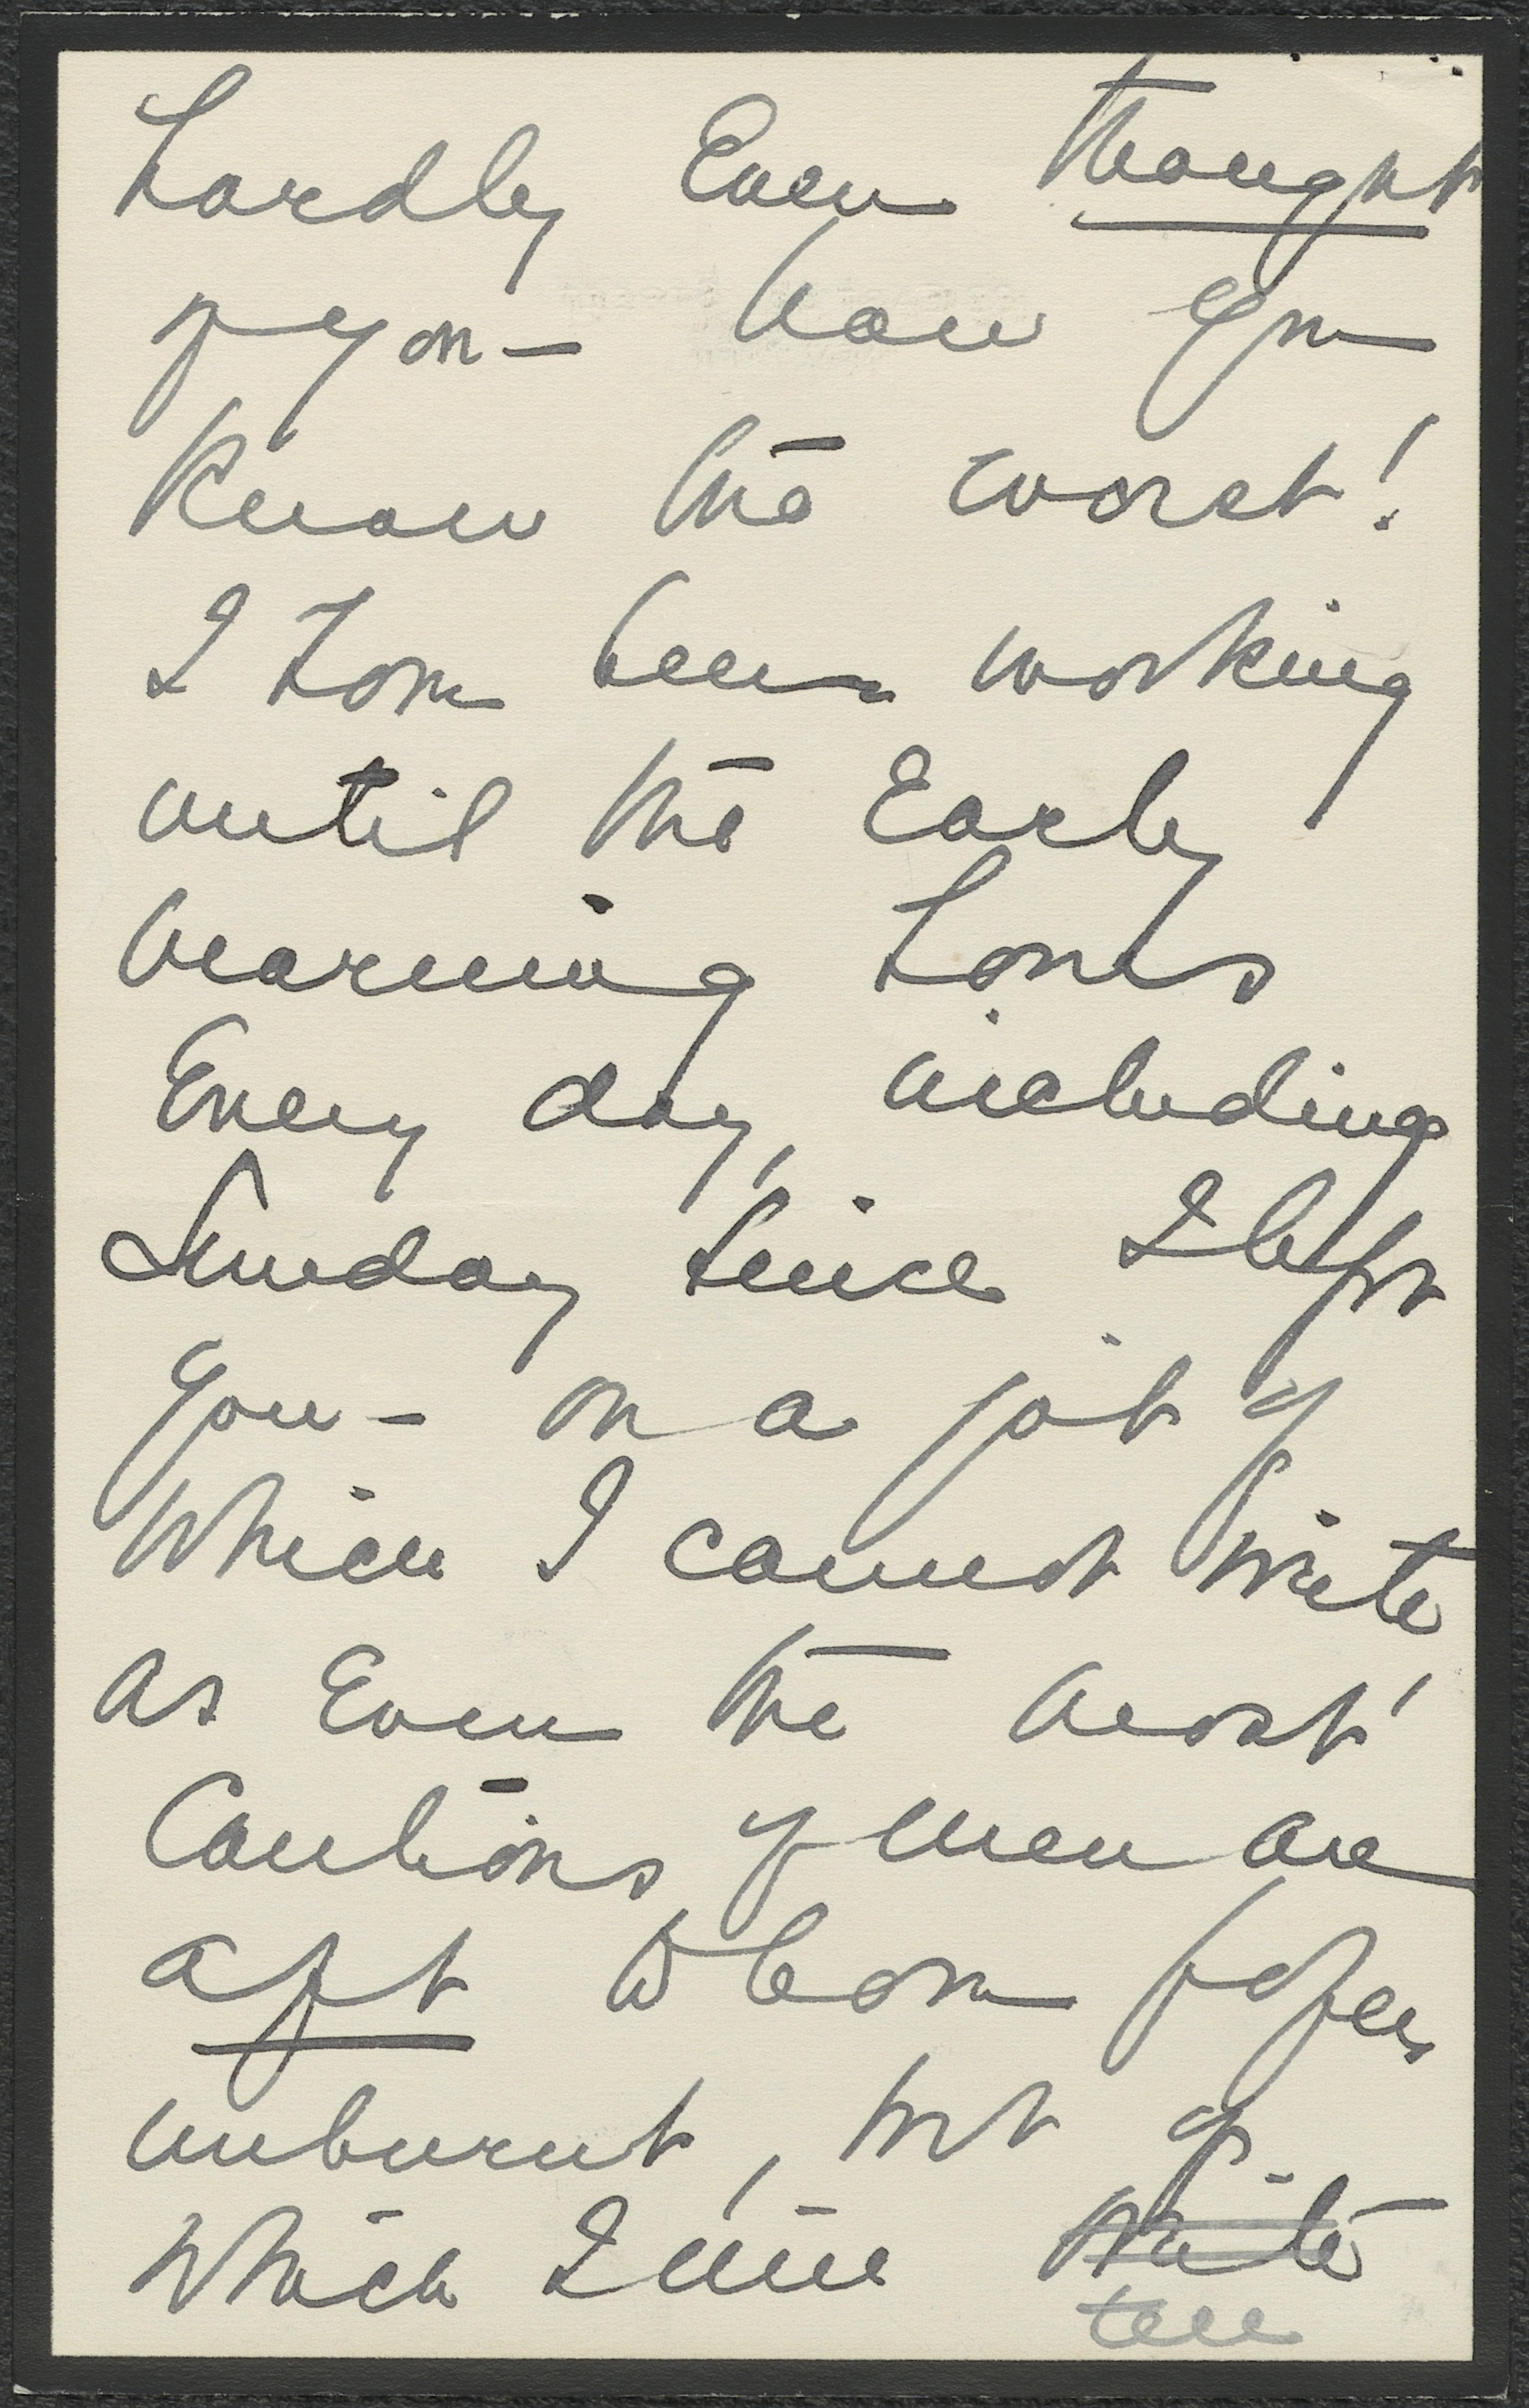hardly even thought of you – how you know the worst!
I have been working until the early morning hours every day, including Sunday since I left you – on a job of which I cannot write, as even the most cautious of men are apt to leave paper unburnt, but of which I will write [^tell^]